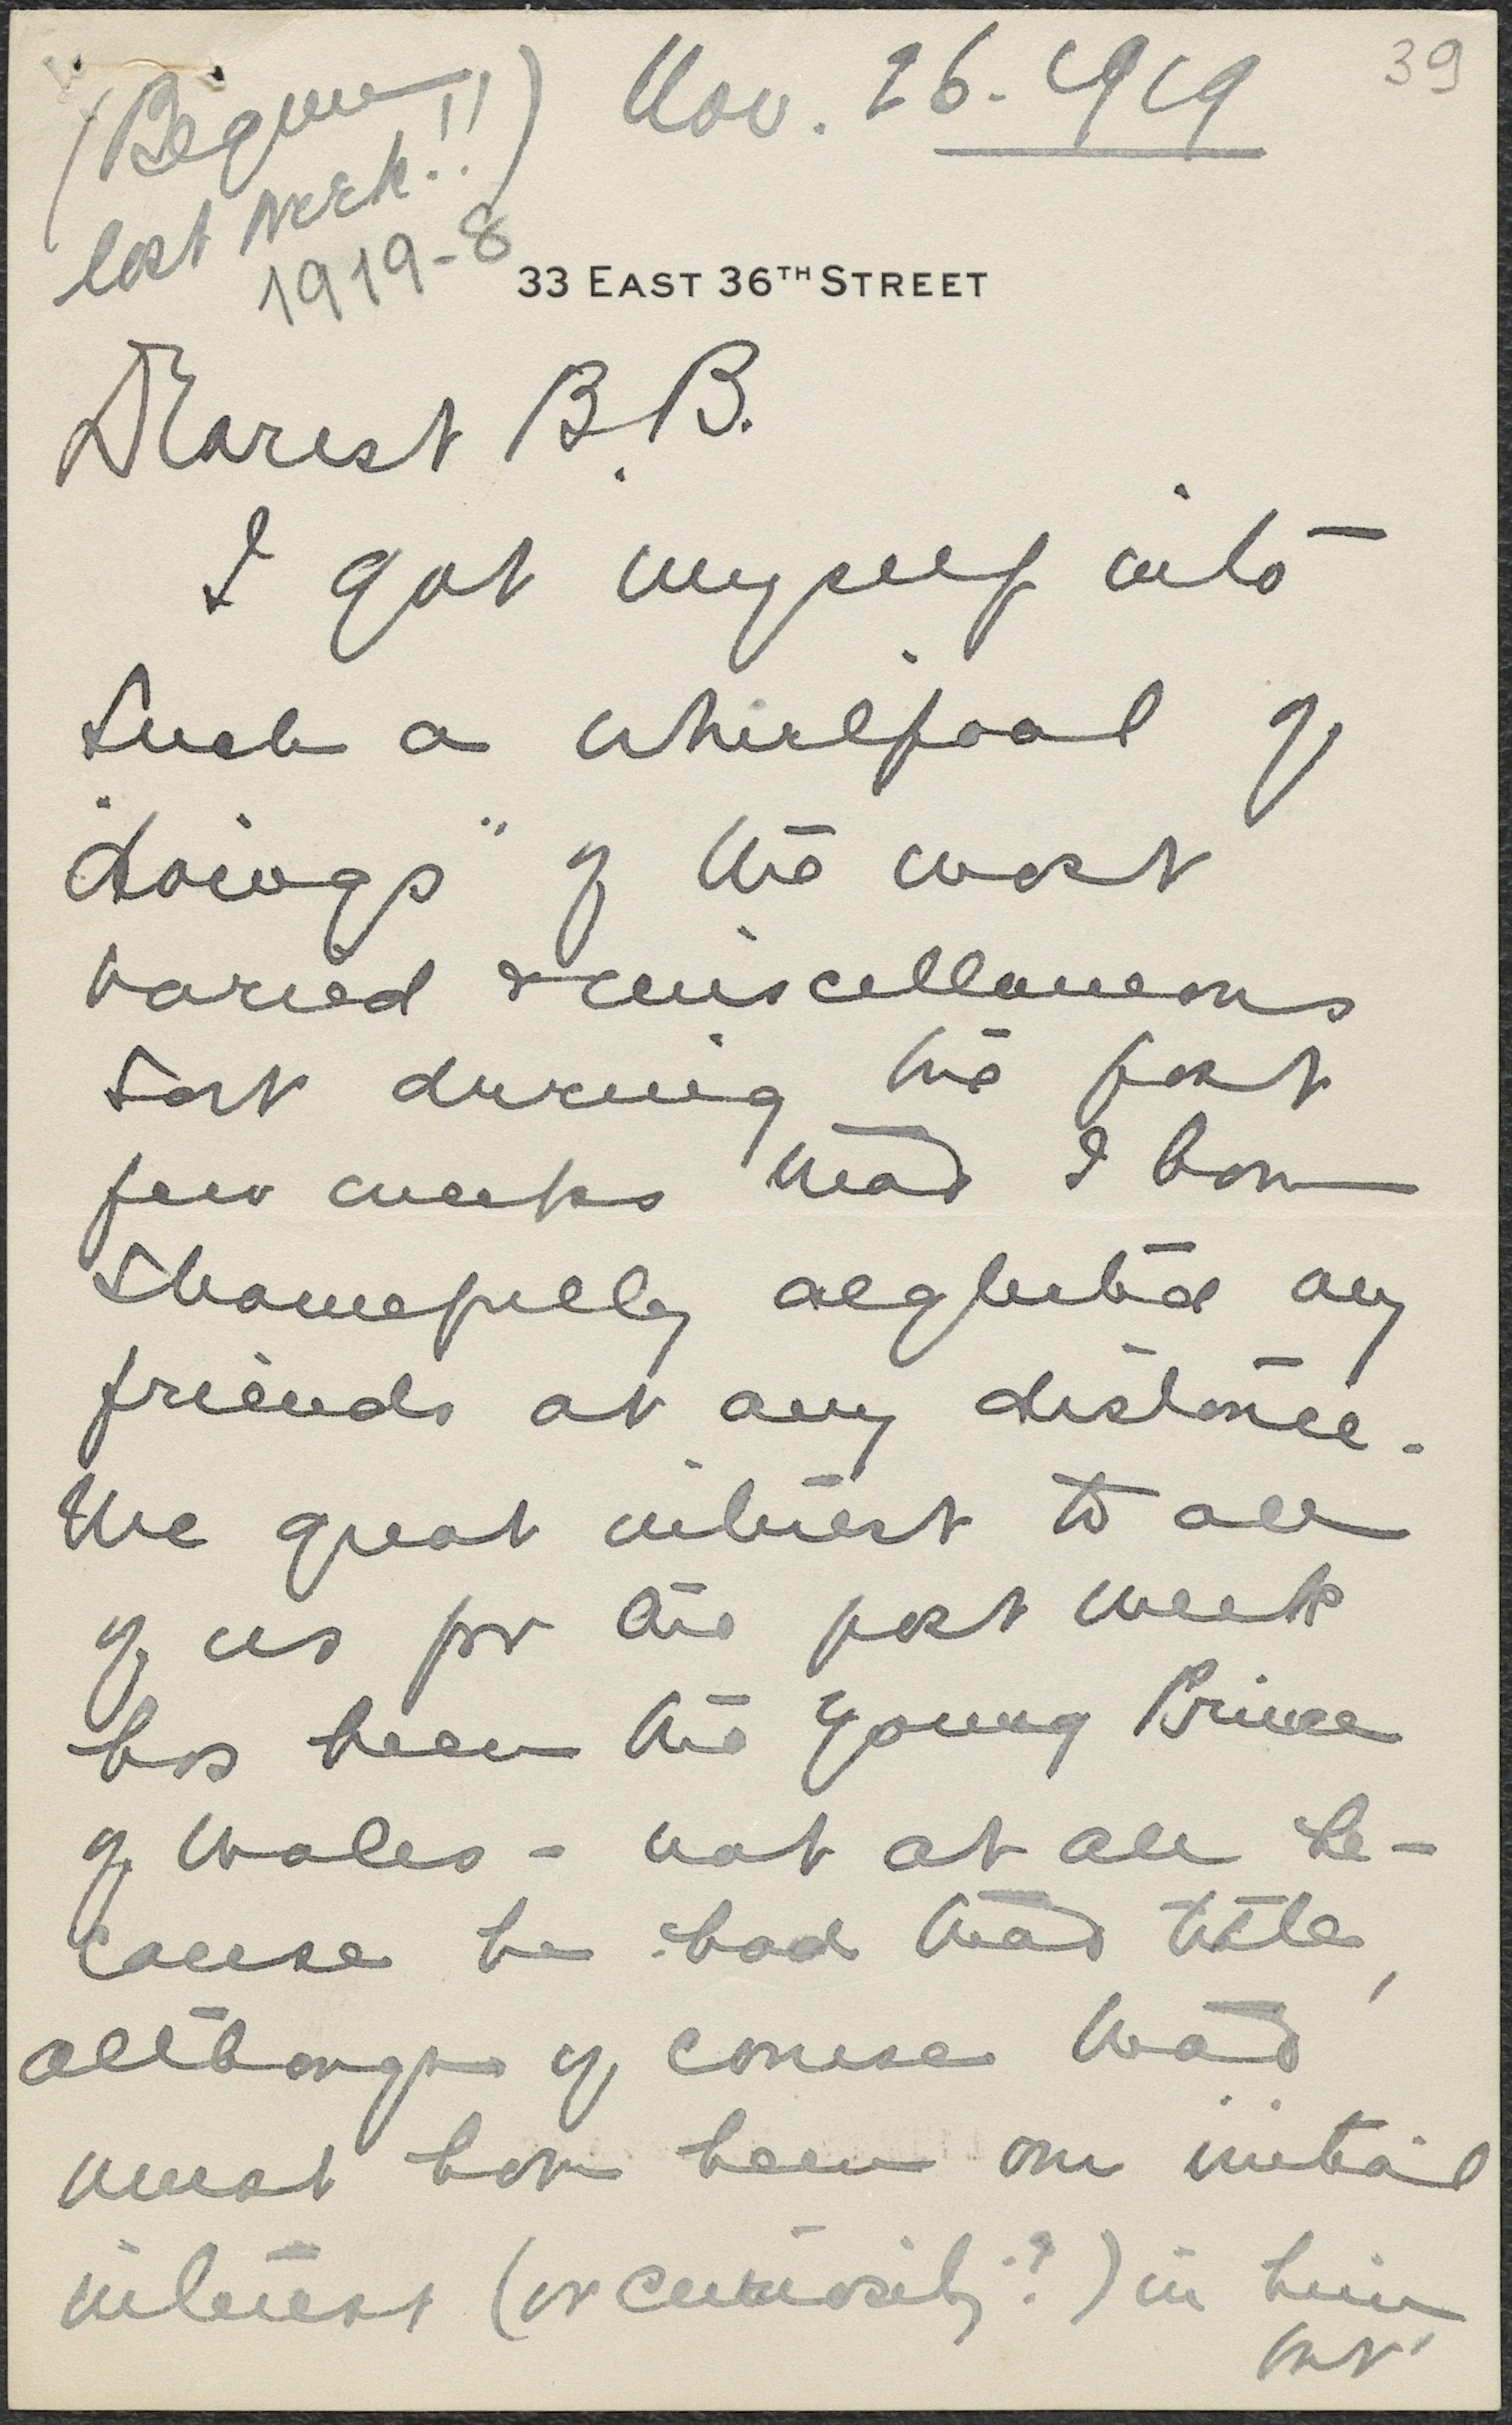Nov. 26. 1919
[written in upper margin: (Begun last week!!)]
Dearest B.B.
I got myself into such a whirlpool of "doings" of the most varied & miscellaneous sort during the past few weeks that I have shamefully neglected my friends at any distance. The great interest to all of us for the past week has been the young Prince of Wales – not at all because he had that title, although of course that must have been one initial interest (or curiosity?) in him but